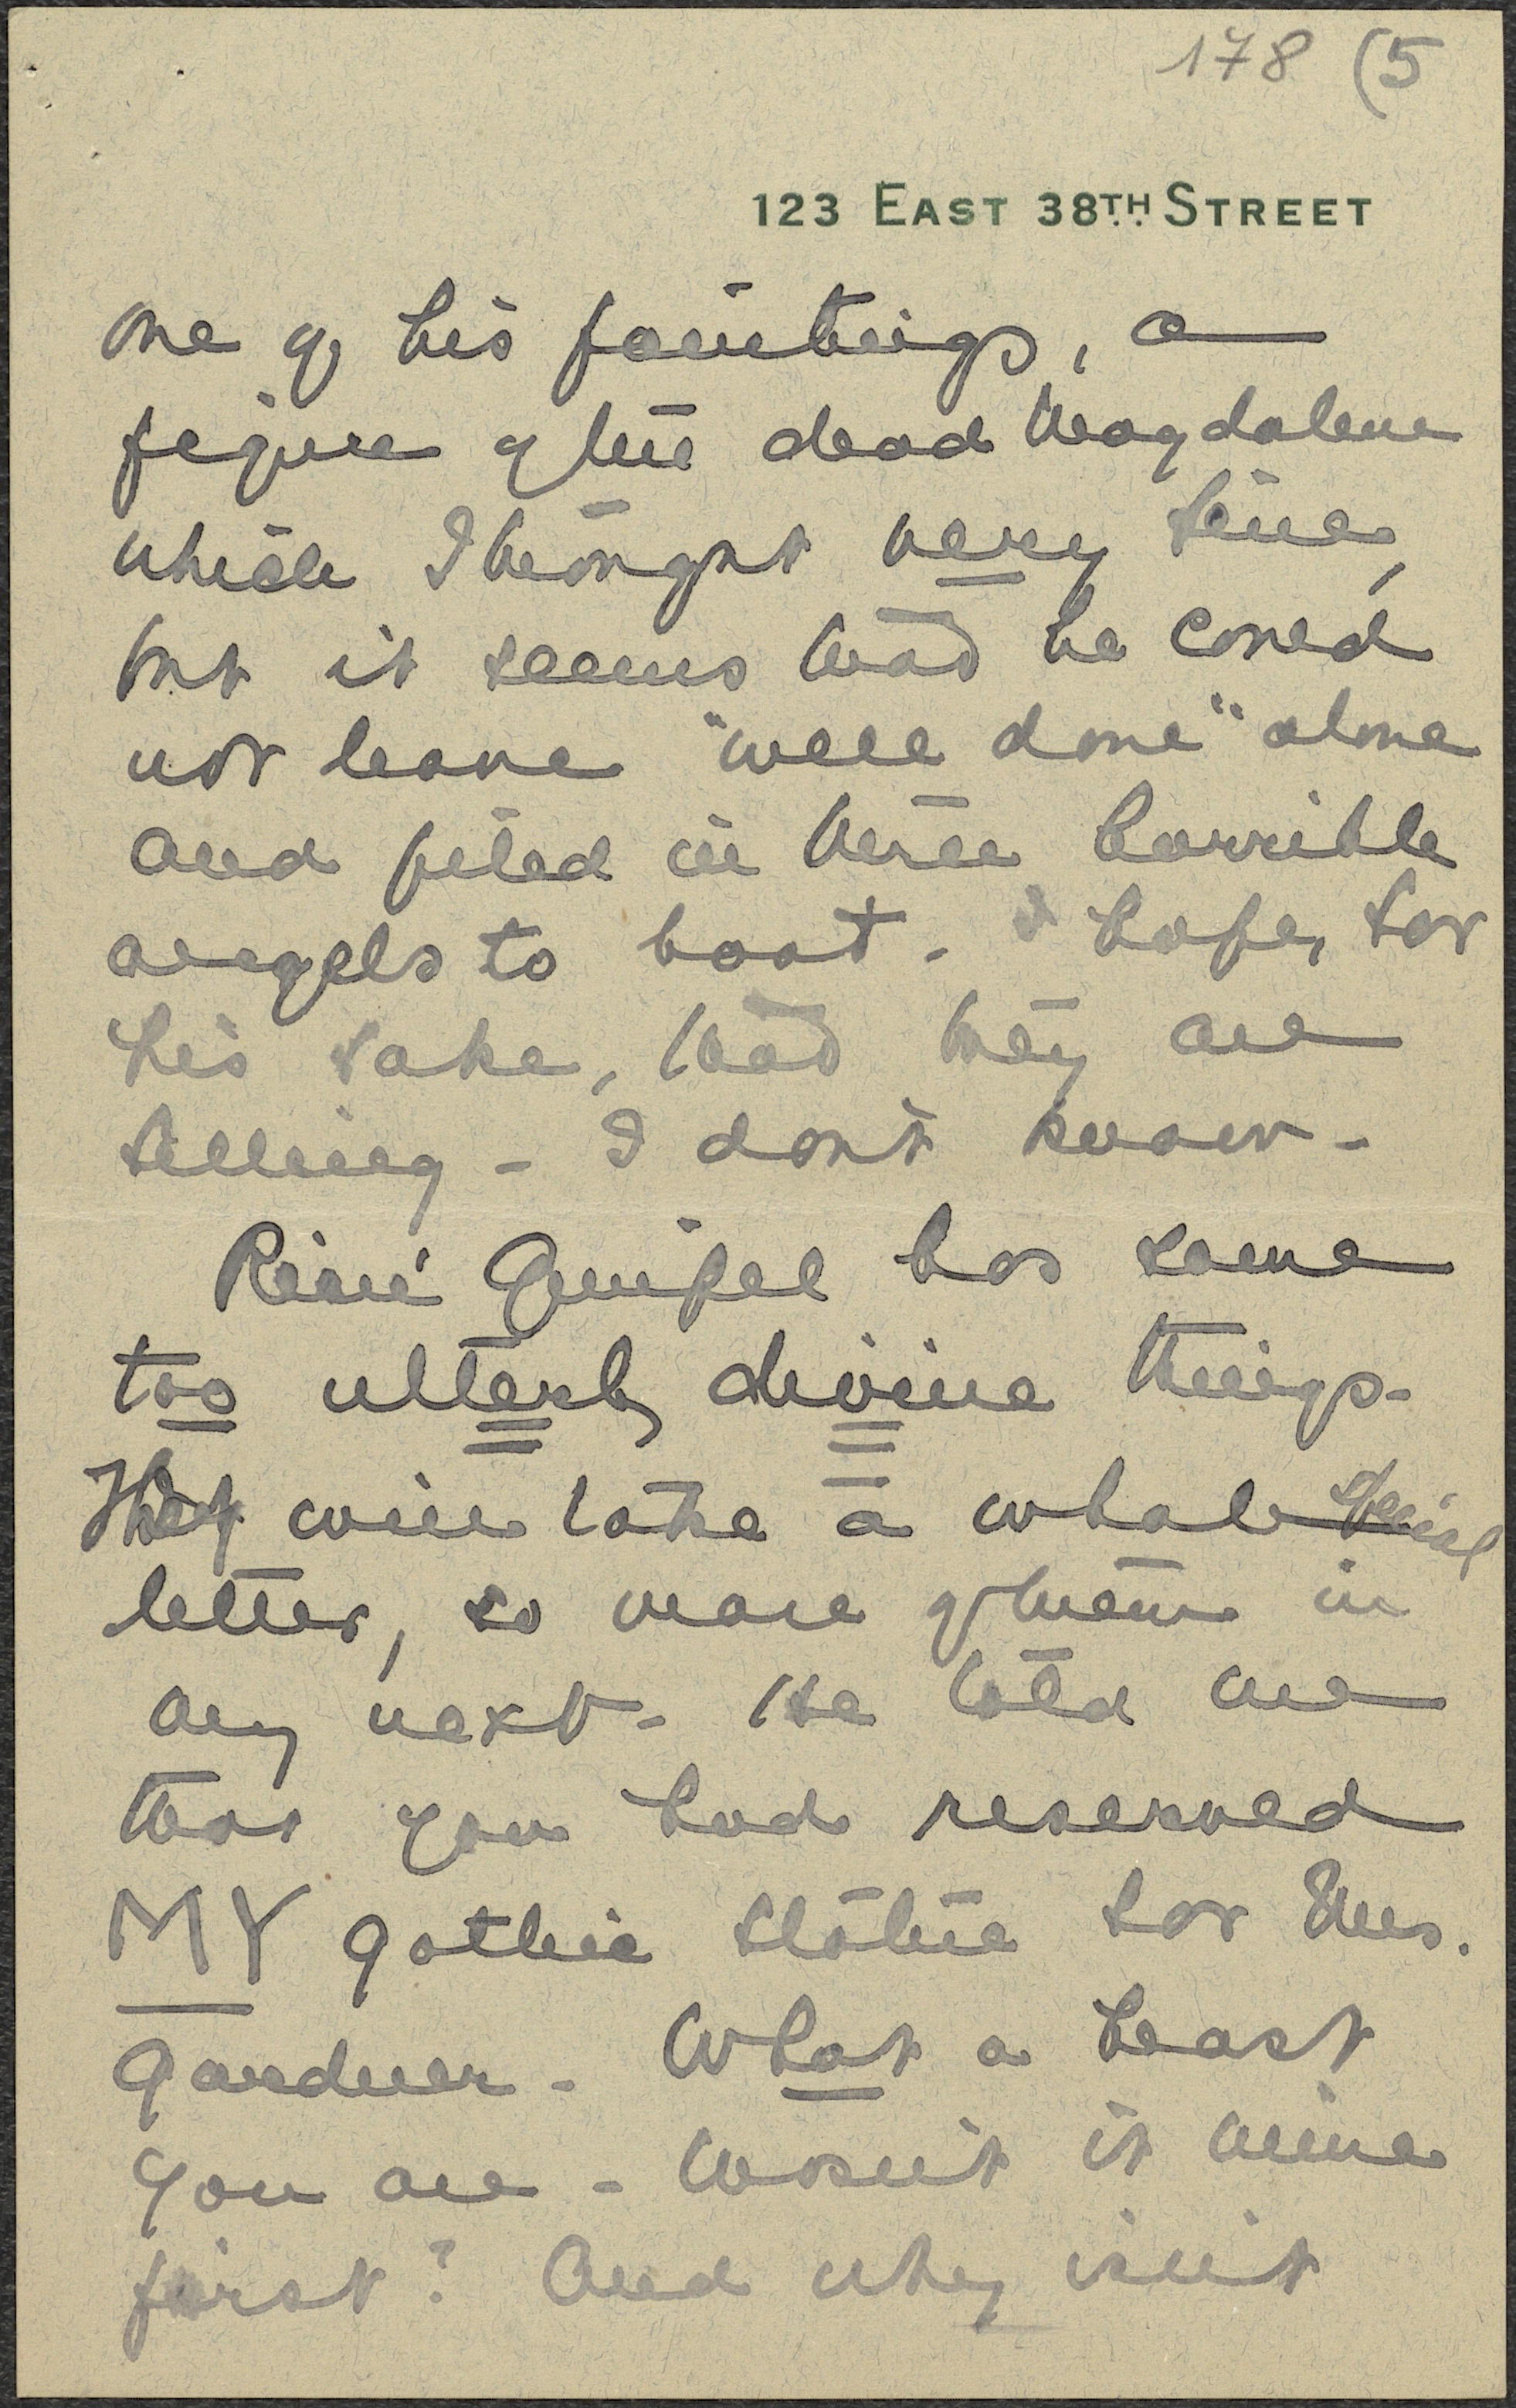5)
one of his paintings, a figure of the dead Magdalene which I thought very fine, but it seems that he could not leave "well done" alone and piled in there, horrible angels to boot. I hope, for his sake, that they are selling – I don't know –
René Gimpel has some too [double underlined: utterly] [triple underlined: divine] things. They will take a whole [^special^] letter, so more of them in my next – He told me that you had reserved [in print hand: MY] Gothic statue for Mrs. Gardner – What a beast you are – Wasn't it mine first? And why isn't